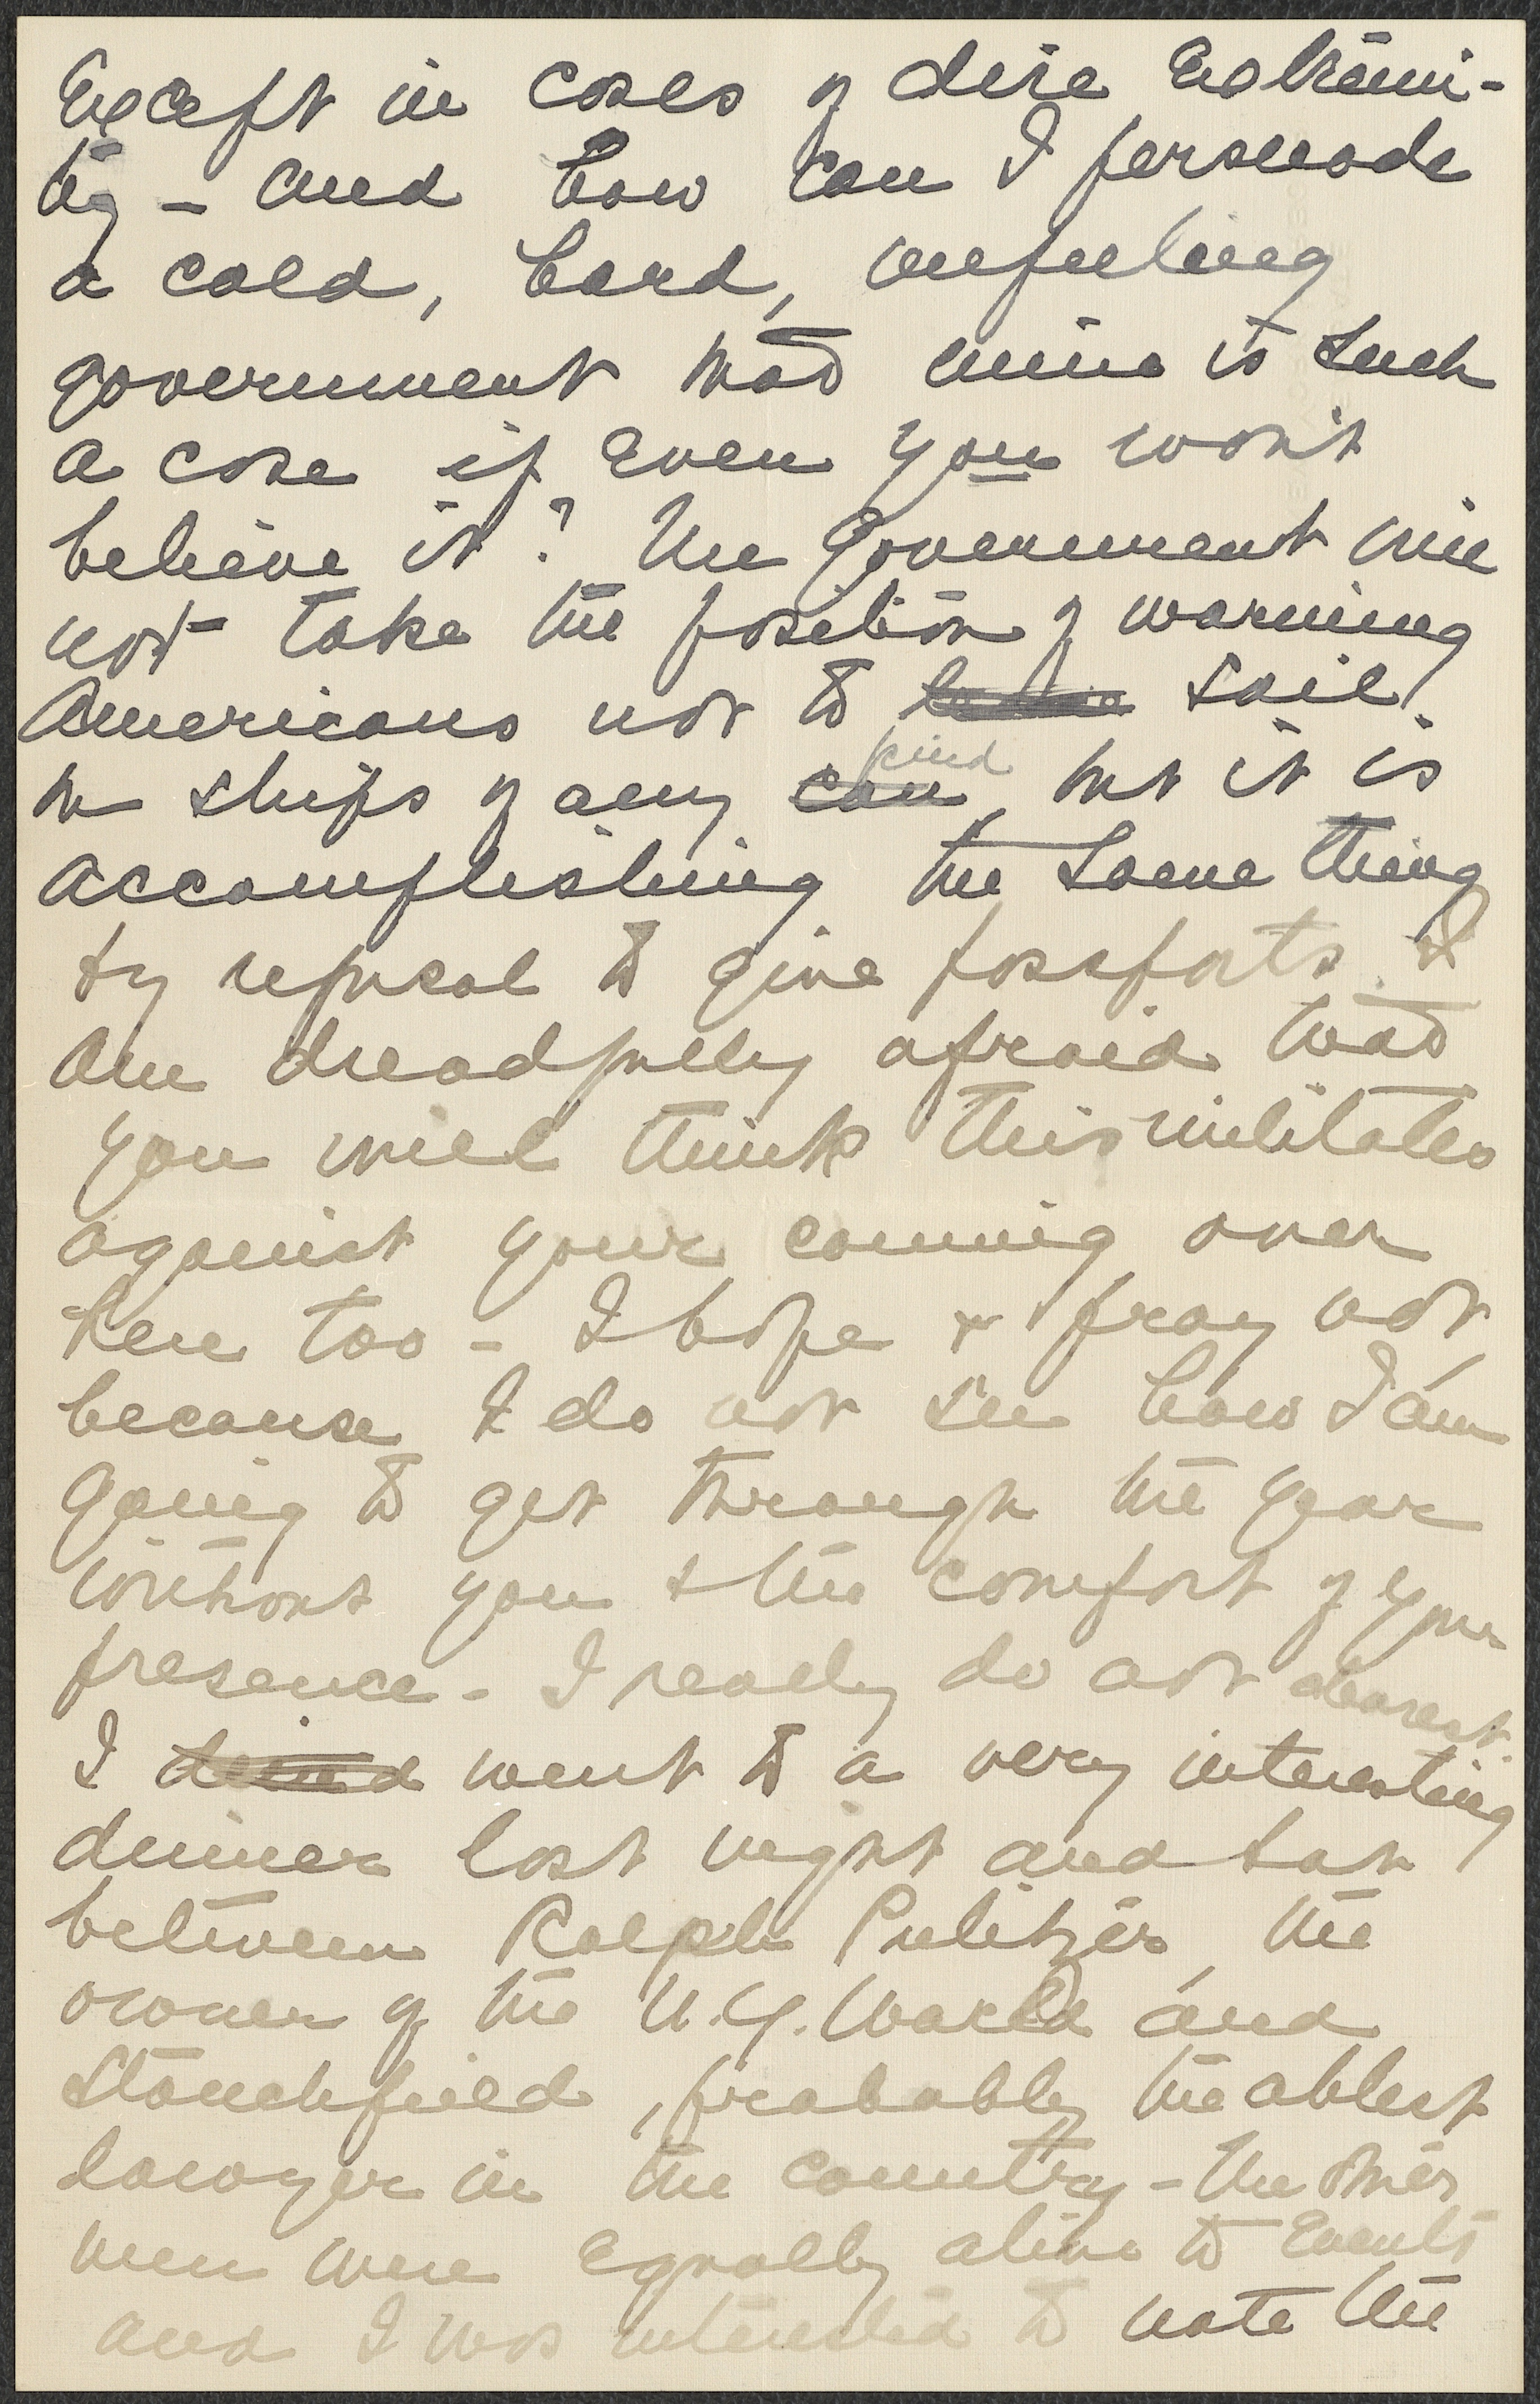except in cases of dire extremity – and how can I persuade a cold, hard, unfeeling government that mine is such a case if even you won't believe it? The government will not take the position of warning Americans not to leave sail on ships of any can [^kind^], but it is accomplishing the same thing by refusal to give passports. I am dreadfully afraid that you will think this militates against your coming over here too – I hope & pray not, because I do not see how I am going to get through the year without you & the comfort of your presence – I really do not dearest. I dined went to a very interesting dinner last night and sat between Ralph Pulitzer, the owner of the N.Y. World and Stanchfield, probably the ablest lawyer in the country – the other men were equally alive to events and I was interested to note the